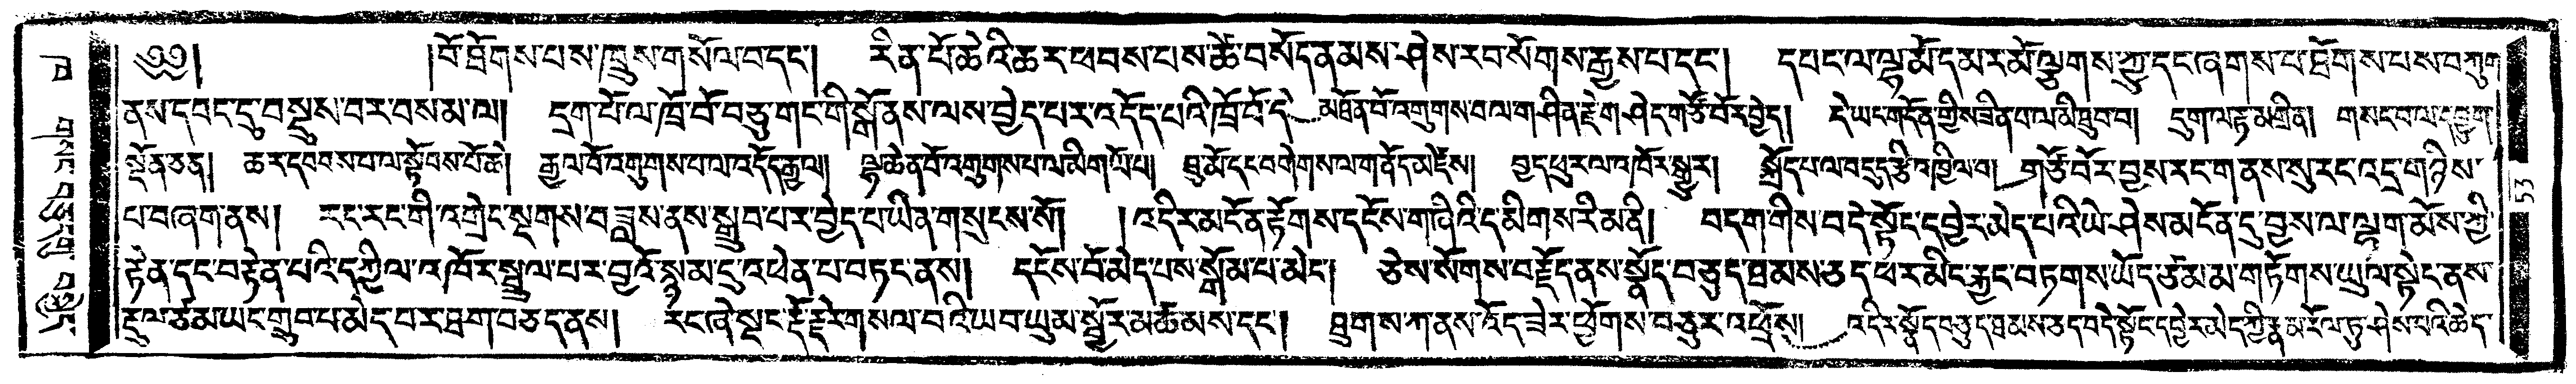༄༅། །བོ་ཐོགས་པས་ཁྲུས་གསོལ་བ་དང་། རིན་པོ་ཆེའི་ཆར་ཕབས་པས་ཚེ་བསོད་ནམས་ཤེས་རབ་སོགས་རྒྱས་པ་དང་། དབང་ལ་ལྷ་མོ་དམར་མོ་ལྕགས་ཀྱུ་དང་ཞགས་པ་ཐོགས་པས་བཀུག་
ནས་དབང་དུ་བསྡུས་བར་བསམ་ལ། དྲག་པོ་ལ་ཁྲོ་བོ་བཅུ་གང་གི་སྒོ་ནས་ལས་བྱེད་པར་འདོད་པའི་ཁྲོ་བོ་དེ་མཐོན་བོ་འགུགས་བ་ལ་གཤིན་རྗེ་གཤེད་གཙོ་བོར་བྱེད། དེ་ཡང་གདོན་གྱིས་ཟིན་པ་ལ་མི་ཐུབ་བ། དུག་ལ་རྟ་མགྲིན། གསང་བ་ལ་དབྱུག་
སྔོན་ཅན། ཆར་དབབས་པ་ལ་སྟོབས་པོ་ཆེ། རྒྱལ་པོ་འགུགས་པ་ལ་འདོད་རྒྱལ། ལྷ་ཆེན་པོ་འགུགས་པ་ལ་མི་གཡོ་པ། ཐུ་མོ་དང་བགེགས་ལ་གནོད་མཛེས། བྱད་ཕུར་ལ་འཁོར་སྒྱུར། སྐྲོད་པ་ལ་བདུད་རྩི་འཁྱིལ་བ། གཙོ་བོར་བྱས་རང་གནས་སུ་རང་འདྲ་གཉིས་
པ་བཞག་ནས། རང་རང་གི་འགྲེང་སྔགས་བཟླས་ནས་སྒྲུབ་པར་བྱེད་པ་ཡིན་གསུངས་སོ། །འདིར་མངོན་རྟོགས་དངོས་གཞིའི་དམིགས་རིམ་ནི། བདག་གིས་བདེ་སྟོང་དབྱེར་མེད་པའི་ཡེ་ཤེས་མངོན་དུ་བྱས་ལ་ལྷག་མོས་ཀྱི་
རྟེན་དང་བརྟེན་པའི་དཀྱིལ་འཁོར་སྤྲུལ་པར་བྱའོ་སྙམ་དུ་འཕེན་པ་བཏང་ནས། དངོས་པོ་མེད་པས་སྒོམ་པ་མེད། ཅེས་སོགས་བརྗོད་ནས་སྣོད་བཅུད་ཐམས་ཅད་ཕར་མིང་རྐྱང་བཏགས་ཡོད་ཙམ་མ་གཏོགས་ཡུལ་སྟེང་ནས་
རྡུལ་ཙམ་ཡང་གྲུབ་པ་མེད་པར་ཐག་བཅད་ནས། རང་ཞེ་སྡང་རྡོ་རྗེར་གསལ་བའི་ཡབ་ཡུམ་སྦྱོར་མཚམས་དང་། ཐུགས་ཀ་ནས་འོད་ཟེར་ཕྱོགས་བཅུར་འཕྲོས། འདིར་སྣོད་བཅུད་ཐམས་ཅད་བདེ་སྟོང་དབྱེར་མེད་ཀྱི་རྣམ་རོལ་ཏུ་ཤེས་པའི་ཆེད་